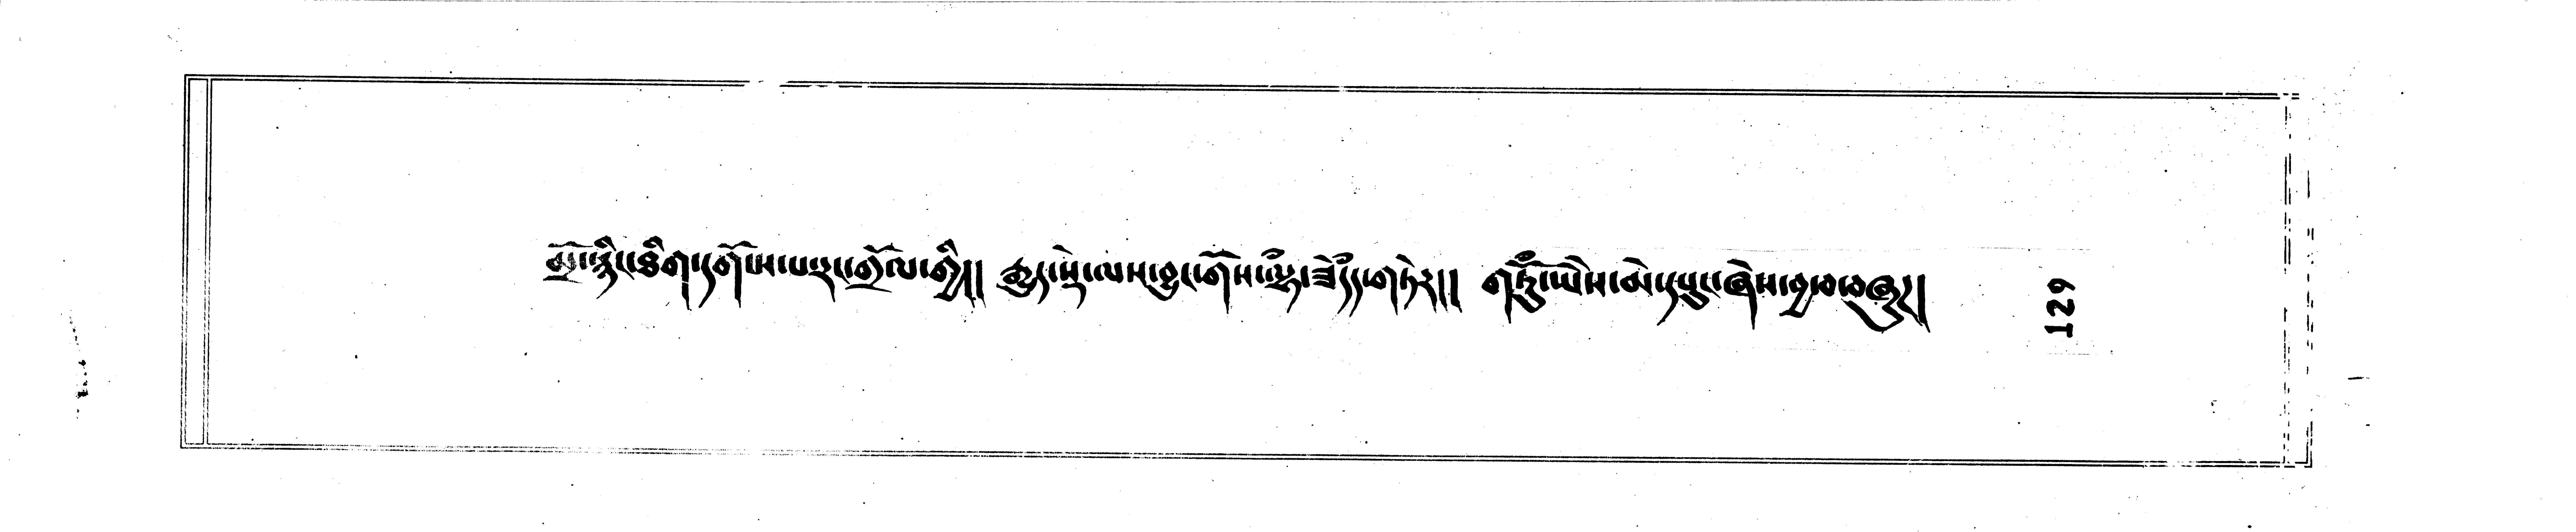མཁའ་འགྲོ་སྙིང་ཐིག་དགོངས་པ་རང་གྲོལ་གྱི། རྒྱུད་སྡེ་ལས་བྱུང་གོས་ལྷམ་ཟད་མེད་གཏེར། གཏུམ་མོ་ཡེ་ཤེས་མེ་དཔུང་ཞེས་བྱ་བ་བཞུགས།